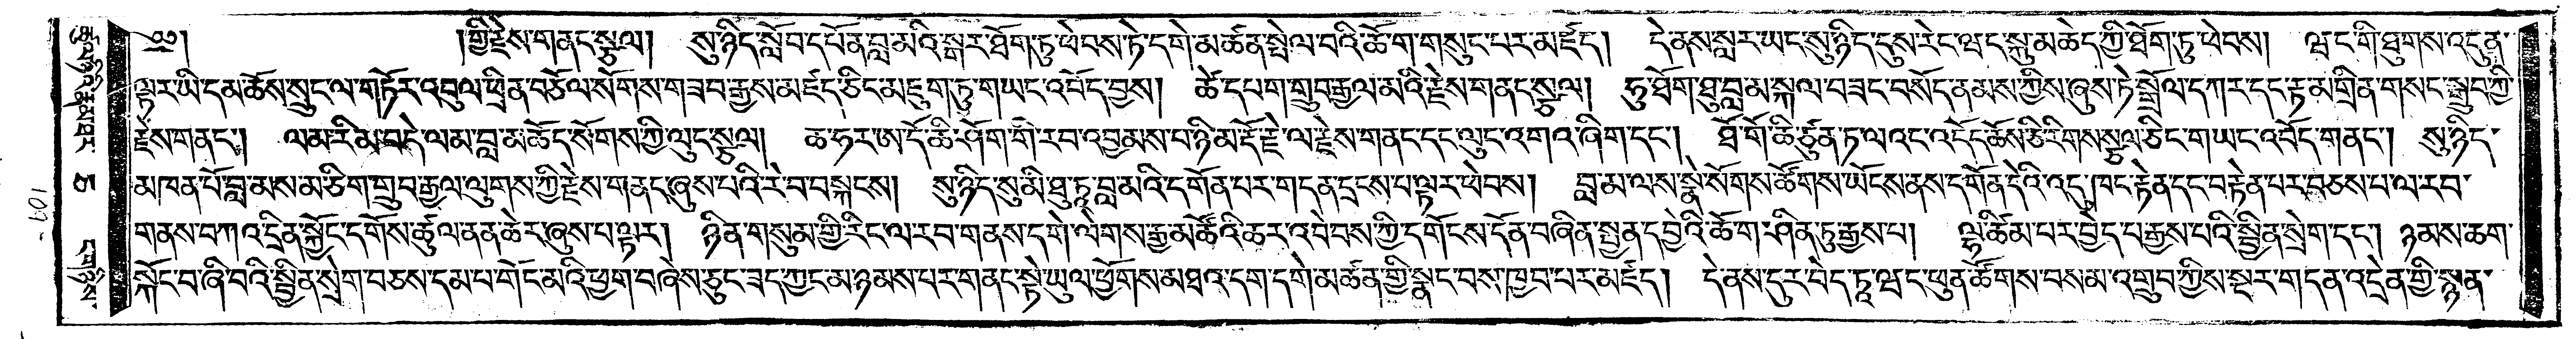༄༅། །གྱི་རྗེས་གནང་སྩལ། སུ་ཉིད་སློབ་དཔོན་བླ་མའི་སྒར་ཐོག་ཏུ་ཕེབས་ཏེ་དགེ་མཚན་སྤེལ་བའི་ཆོ་ག་གསུང་པར་མཛད། དེ་ནས་སླར་ཡང་སུ་ཉིད་དུས་རེང་ཝང་སྐུ་མཆེད་ཀྱི་ཐོག་ཏུ་ཕེབས། ཝང་གི་ཐུགས་འདུན་
ལྟར་ཡི་དམ་ཆོས་སྲུང་ལ་གཏོར་འབུལ་ཕྲིན་བཅོལ་སོགས་གཟབ་རྒྱས་མཛད་ཅིང་མཇུག་ཏུ་གཡང་འབོད་བྱས། ཚེ་དཔག་གྲུབ་རྒྱལ་མའི་རྗེས་གནང་སྩལ། ཧུ་ཐོག་ཐུ་བླ་མ་སྐལ་བཟང་བསོད་ནམས་ཀྱིས་ཞུས་ཏེ་སྒྲོལ་དཀར་དང་རྟ་མགྲིན་གསང་སྒྲུབ་ཀྱི་
རྗེས་གནང་། ལམ་རིམ་བདེ་ལམ་བླ་མཆོད་སོགས་ཀྱི་ལུང་སྩལ། ཆ་ཧར་ཨ་དོ་ཆི་ཤོག་གི་རབ་འབྱམས་བ་ཉི་མ་རྡོ་རྗེ་ལ་རྗེས་གནང་དང་ལུང་འགའ་ཞིག་དང་། ཐོ་གོ་ཆི་ཙུན་ཏ་ལའང་འདོད་ཆོས་ཅི་རིགས་སྩལ་ཅིང་གཡང་འབོད་གནང་། སུ་ཉིད་
མཁན་པོ་བླ་མས་མ་ཅིག་གྲུབ་རྒྱལ་ལུགས་ཀྱི་རྗེས་གནང་ཞུས་པའི་རེ་བ་བསྐངས། སུ་ཉིད་སུ་མི་ཐུ་ཐཱ་བླ་མའི་དགོན་པར་གདན་དྲངས་པ་ལྟར་ཕེབས། བླ་མ་ལས་སྣེ་སོགས་ཚོགས་ཡོངས་ནས་དགོན་དེའི་འདུ་ཁང་རྟེན་དང་བརྟེན་པར་བཅས་པ་ལ་རབ་
གནས་བཀའ་དྲིན་སྐྱོང་དགོས་ཚུལ་ནང་ཆེར་ཞུས་པ་ལྟར། ཉིན་གསུམ་གྱི་རིང་ལ་རབ་གནས་དགེ་ལེགས་རྒྱ་མཚོའི་ཆར་འབེབས་ཀྱི་དགོངས་དོན་བཞིན་སྤྱན་དབྱེའི་ཆོ་ག་ཤིན་ཏུ་རྒྱས་པ། ལྷ་ཚིམ་པར་བྱེད་བརྒྱས་པའི་སྦྱིན་སྲེག་དང་། ཉམས་ཆག་
སྐོང་བ་ཞི་བའི་སྦྱིན་སྲེག་བཅས་དམ་པ་གོང་མའི་ཕྱག་བཞེས་ཅུང་ཟད་ཀྱང་མ་ཉམས་པར་གནང་སྟེ་ཡུལ་ཕྱོགས་མཐའ་དག་དགེ་མཚན་གྱི་སྣང་བས་ཁྱབ་པར་མཛད། དེ་ནས་དུར་བེད་ཏཱ་ཝང་ཕུན་ཚོགས་བསམ་འགྲུབ་ཀྱིས་སྔར་གདན་འདྲེན་གྱི་སྙན་